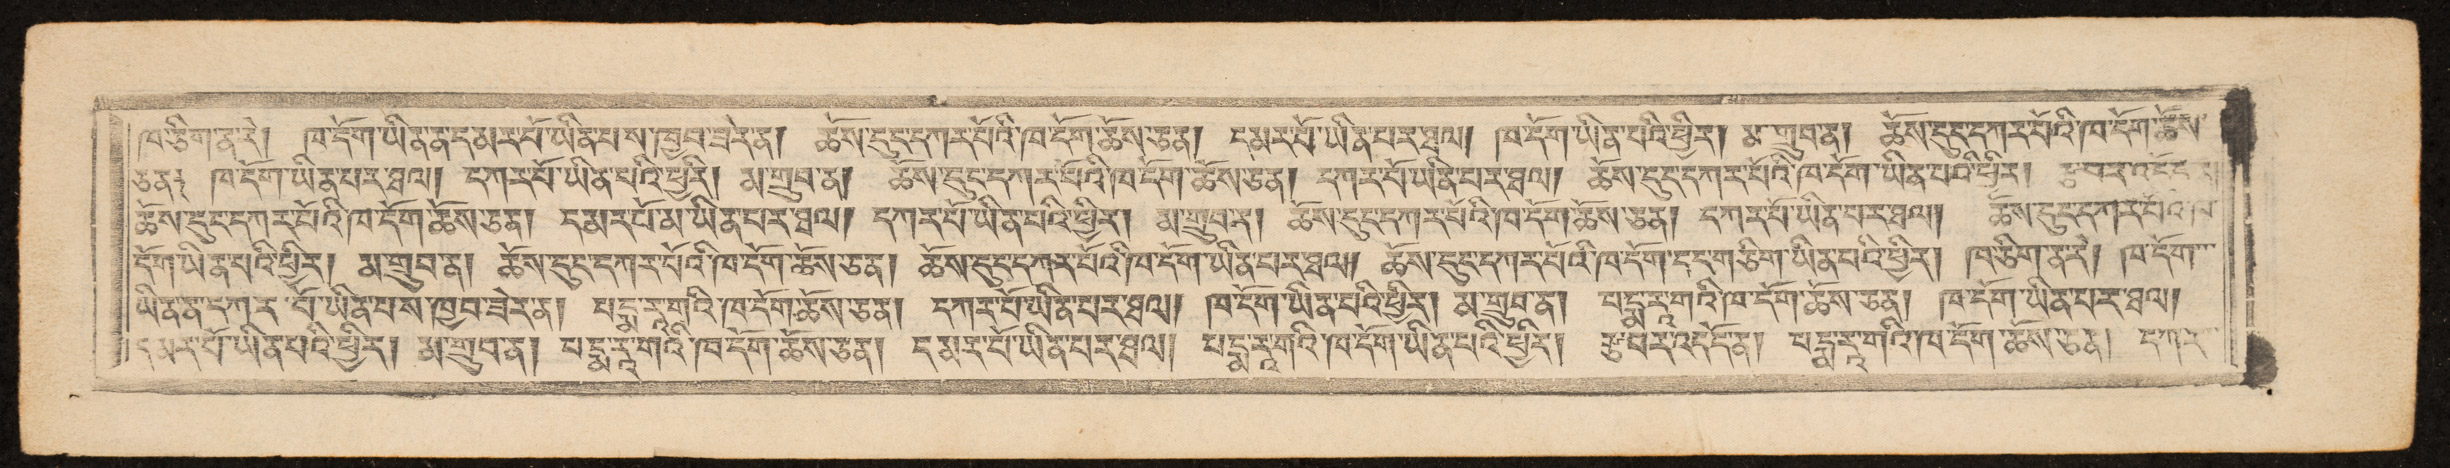ཁ་ཅིག་ན་རེ། ཁ་དོག་ཡིན་ན་དམར་པོ་ཡིན་པས་ཁྱབ་ཟེར་ན། ཆོས་དུང་དཀར་པོའི་ཁ་དོག་ཆོས་ཅན། དམར་པོ་ཡིན་པར་ཐལ། ཁ་དོག་ཡིན་པའི་ཕྱིར། མ་གྲུབ་ན། ཆོས་དུང་དཀར་པོའི་ཁ་དོག་ཆོས་
ཅན། ཁ་དོག་ཡིན་པར་ཐལ། དཀར་པོ་ཡིན་པའི་ཕྱིར། མ་གྲུབ་ན། ཆོས་དུང་དཀར་པོའི་ཁ་དོག་ཆོས་ཅན། དཀར་པོ་ཡིན་པར་ཐལ། ཆོས་དུང་དཀར་པོའི་ཁ་དོག་ཡིན་པའི་ཕྱིར། རྩ་བར་འདོད་ན།
ཆོས་དུང་དཀར་པོའི་ཁ་དོག་ཆོས་ཅན། དམར་པོ་མ་ཡིན་པར་ཐལ། དཀར་པོ་ཡིན་པའི་ཕྱིར། མ་གྲུབ་ན། ཆོས་དུང་དཀར་པོའི་ཁ་དོག་ཆོས་ཅན། དཀར་པོ་ཡིན་པར་ཐལ། ཆོས་དུང་དཀར་པོའི་ཁ་
དོག་ཡིན་པའི་ཕྱིར། མ་གྲུབ་ན། ཆོས་དུང་དཀར་པོའི་ཁ་དོག་ཆོས་ཅན། ཆོས་དུང་དཀར་པོའི་ཁ་དོག་ཡིན་པར་ཐལ། ཆོས་དུང་དཀར་པོའི་ཁ་དོག་དང་གཅིག་ཡིན་པའི་ཕྱིར། ཁ་ཅིག་ན་རེ། ཁ་དོག་
ཡིན་ན་དཀར་པོ་ཡིན་པས་ཁྱབ་ཟེར་ན། པདམ་རཱ་གའི་ཁ་དོག་ཆོས་ཅན། དཀར་པོ་ཡིན་པར་ཐལ། ཁ་དོག་ཡིན་པའི་ཕྱིར། མ་གྲུབ་ན། པད་མ་རཱ་གའི་ཁ་དོག་ཆོས་ཅན། ཁ་དོག་ཡིན་པར་ཐལ།
དམར་པོ་ཡིན་པའི་ཕྱིར། མ་གྲུབ་ན། པད་མ་རཱ་གའི་ཁ་དོག་ཆོས་ཅན། དམར་པོ་ཡིན་པར་ཐལ། པད་མ་རཱ་གའི་ཁ་དོག་ཡིན་པའི་ཕྱིར། རྩ་བར་འདོད་ན། པད་མ་རཱ་གའི་ཁ་དོག་ཆོས་ཅན། དཀར་